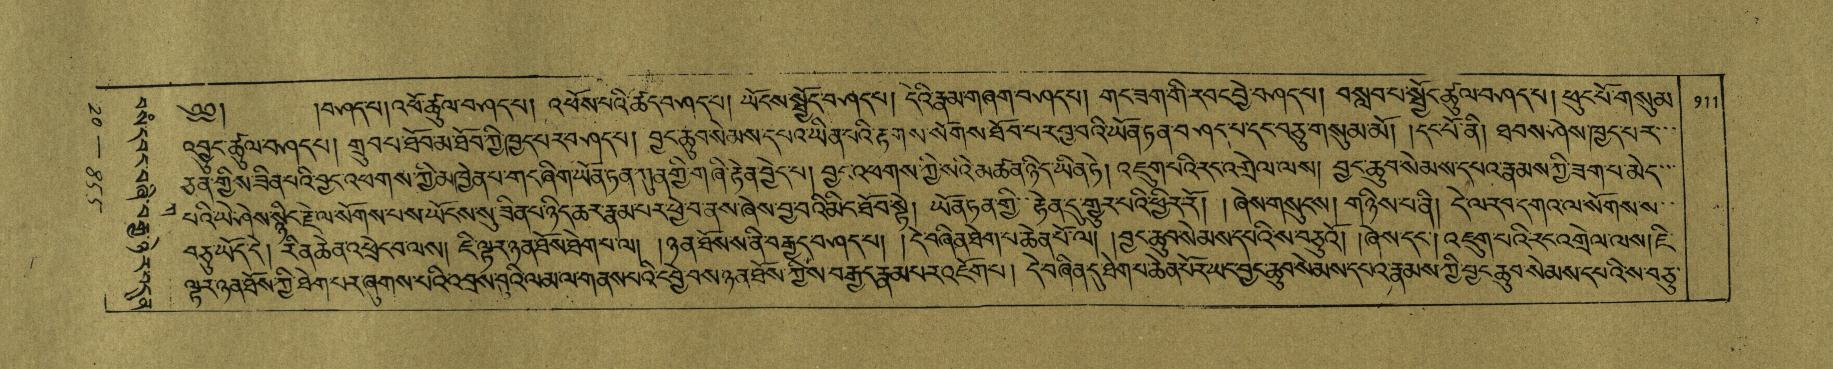༄༅། །བཤད་པ། འཕོ་ཚུལ་བཤད་པ། འཕོས་པའི་ཚད་བཤད་པ། ཡོངས་སྤྱོད་བཤད་པ། དེའི་རྣམ་གཞག་བཤད་པ། གང་ཟག་གི་རབ་དབྱེ་བཤད་པ། བསླབ་པ་སྦྱོང་ཚུལ་བཤད་པ། ཕུང་པོ་གསུམ་
འབྱུང་ཚུལ་བཤད་པ། གྲུབ་པ་ཐོབ་མ་ཐོབ་ཀྱི་ཁྱད་པར་བཤད་པ། བྱང་ཆུབ་སེམས་དཔའ་ཡིན་པའི་རྟགས་སོགས་ཐོབ་པར་བྱ་བའི་ཡོན་ཏན་བཤད་པ་དང་བཅུ་གསུམ་མོ། །དང་པོ་ནི། ཐབས་ཤེས་ཁྱད་པར་
ཅན་གྱིས་ཟིན་པའི་བྱང་འཕགས་ཀྱི་མཁྱེན་པ་གང་ཞིག་ཡོན་ཏན་ཀུན་གྱི་གཞི་རྟེན་བྱེད་པ། བྱང་འཕགས་ཀྱི་སའི་མཚན་ཉིད་ཡིན་ཏེ། འཇུག་པའི་རང་འགྲེལ་ལས། བྱང་ཆུབ་སེམས་དཔའ་རྣམས་ཀྱི་ཟག་པ་མེད་
པའི་ཡེ་ཤེས་སྙིང་རྗེ་ལ་སོགས་པས་ཡོངས་སུ་ཟིན་པ་ཉིད་ཆར་རྣམ་པར་ཕྱེ་བ་ནས་ཞེས་བྱ་བའི་མིང་ཐོབ་སྟེ། ཡོན་ཏན་གྱི་རྟེན་དུ་གྱུར་པའི་ཕྱིར་རོ། །ཞེས་གསུངས། གཉིས་པ་ནི། དེ་ལ་རབ་དགའ་ལ་སོགས་ས་
བཅུ་ཡོད་དེ། རིན་ཆེན་འཕྲེང་བ་ལས། ཇི་ལྟར་ཉན་ཐོས་ཐེག་པ་ལ། །ཉན་ཐོས་ས་ནི་བརྒྱད་བཤད་པ། །དེ་བཞིན་ཐེག་པ་ཆེན་པོ་ལ། །བྱང་ཆུབ་སེམས་དཔའི་ས་བཅུའོ། །ཞེས་དང་། འཇུག་པའི་རང་འགྲེལ་ལས། ཇི་
ལྟར་ཉན་ཐོས་ཀྱི་ཐེག་པར་ཞུགས་པའི་འབྲས་བུའི་ལམ་ལ་གནས་པའི་དབྱེ་བས་ཉན་ཐོས་ཀྱིས་བརྒྱད་རྣམ་པར་འཇོག་པ། དེ་བཞིན་དུ་ཐེག་པ་ཆེན་པོར་ཡང་བྱང་ཆུབ་སེམས་དཔའ་རྣམས་ཀྱི་བྱང་ཆུབ་སེམས་དཔའི་ས་བཅུ་